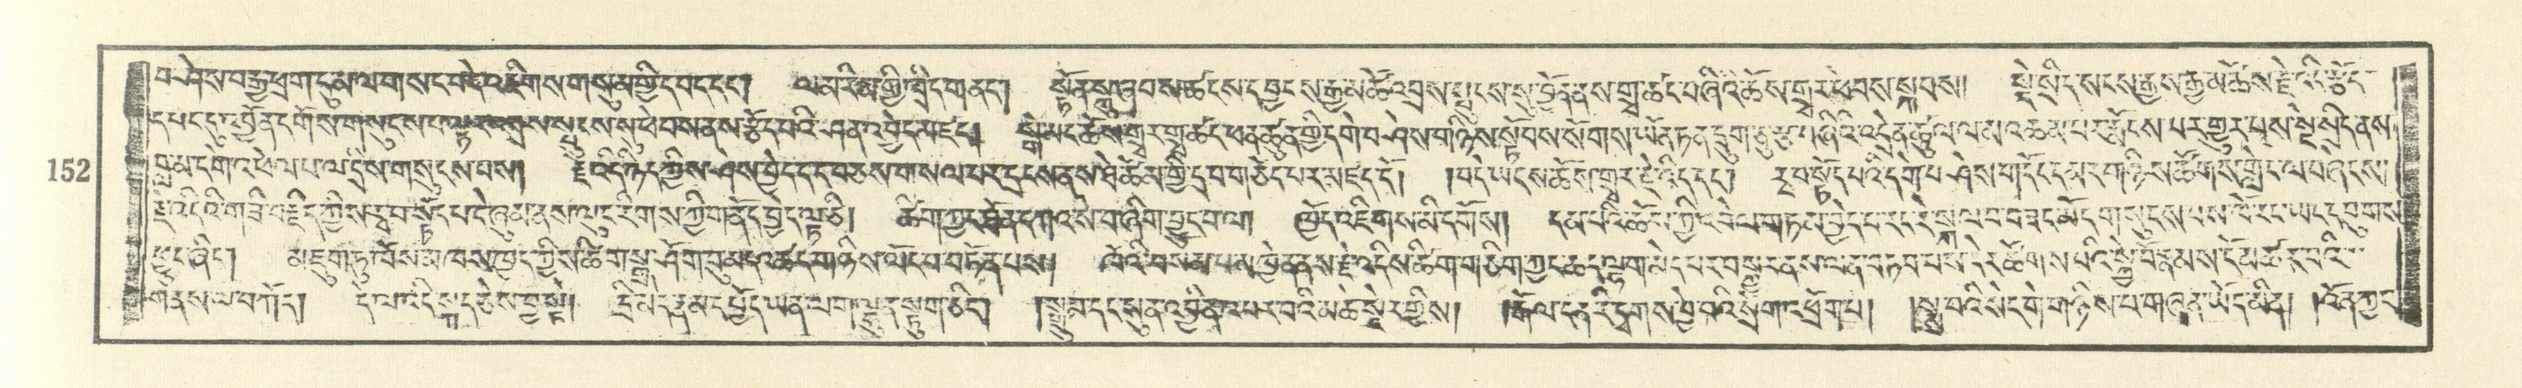བཤེས་བརྒྱ་ཕྲག་དུ་མ་ལ་གསང་བདེ་འཇིགས་གསུམ་གྱི་དབང་དང་། ལམ་རིམ་གྱི་ཁྲིད་གནང་། སྟོན་སྐུ་ཞབས་ཚངས་དབྱངས་རྒྱ་མཚོ་འབྲས་སྤུངས་སུ་བྱོན་ནས་གྲྭ་ཚང་བཞིའི་ཆོས་གྲྭར་ཕེབས་སྐབས། སྡེ་སྲིད་སངས་རྒྱས་རྒྱ་མཚོས་རྗེ་འདི་རྩོད་
དཔང་དུ་འབྱོན་དགོས་གསུངས་པ་ལྟར་འབྲས་སྤུངས་སུ་ཕེབས་ནས་རྩོད་པའི་ཤན་འབྱེད་མཛད། སྒོ་མང་ཆོས་གྲྭར་གྲྭ་ཚང་ཕན་ཚུན་གྱི་དགེ་བཤེས་གཉིས་སྟོབས་སོགས་ཡོན་ཏན་དྲུག་ཅུ་རྩ་བཞིའི་འདྲེན་ཚུལ་ལ་མ་འཆེམ་པར་རྨོངས་པར་གྱུར་པས་སྡེ་སྲིད་ནས་
བླ་མ་དགེ་འཕེལ་པ་ལ་དྲིས་གསུངས་པས། རྗེ་འདི་ཉིད་ཀྱིས་ཤེས་བྱེད་དང་བཅས་གསལ་པར་དྲངས་ནས་ཐེ་ཚོམ་གྱི་དྲ་བ་གཅོད་པར་མཛད་དོ། །བདེ་ཡངས་ཆོས་གྲྭར་རྗེ་འདི་དང་། རྭ་བ་སྟོད་པའི་དགེ་བཤེས་གདོང་དམར་གཉིས་ཚོགས་གླེང་ལ་བཞེངས།
རྗེ་འདིའི་གཟི་བརྗིད་ཀྱིས་རྭ་བ་སྟོད་པ་དེ་ཞུམ་ནས་ལུང་རིགས་ཀྱི་གནོད་བྱེད་ལྟ་ཅི། ཚིག་ཀྱང་ཐོན་དཀའ་སེ་བ་ཞིག་བྱུང་བ་ལ། ཁྱོད་འཇིགས་མི་དགོས། དམ་པའི་ཆོས་ཀྱི་འབྲེལ་གཏམ་བྱེད་པ་རང་རེ་སྐལ་བ་བཟང་མོད་གསུངས་པས་ཁོ་རང་ཡང་དབུགས་
ཕྱུང་ཞིང་། མཇུག་ཏུ་ཁོས་མཁས་ཁྱད་ཀྱིས་ཚིག་སྒྲ་ཤོག་བུ་མངའ་ཚད་གཉིས་ལོང་བ་བཏོན་པས། ཁོའི་བསམ་པ་མཁྱེན་ནས་རྗེ་འདིས་ཚིག་གཅིག་ཀྱང་ཆད་ལྷག་མེད་པར་བསྐྱུར་ནས་ལན་བཏབ་པས་དེར་ཚོགས་པའི་སྐྱེ་བོ་རྣམས་ངོ་མཚར་པའི་
གནས་ལ་བཀོད། དེ་ལ་འདི་སྐད་ཅེས་བྱ་སྟེ། དྲི་མེད་རྣམ་དཔྱོད་ཡན་ལག་ལྷུན་སྟུག་ཅིང་། །སྒྲུབ་དང་སུན་འབྱིན་འབར་བའི་མཆེ་སྡེར་གྱིས། །རྒོལ་ངན་རི་དྭགས་བྱེ་བའི་སྲོག་འཕྲོག་པ། །སྨྲ་བའི་སེང་གེ་གཉིས་པ་གཞན་ཡོད་མིན། །འོན་ཀྱན་